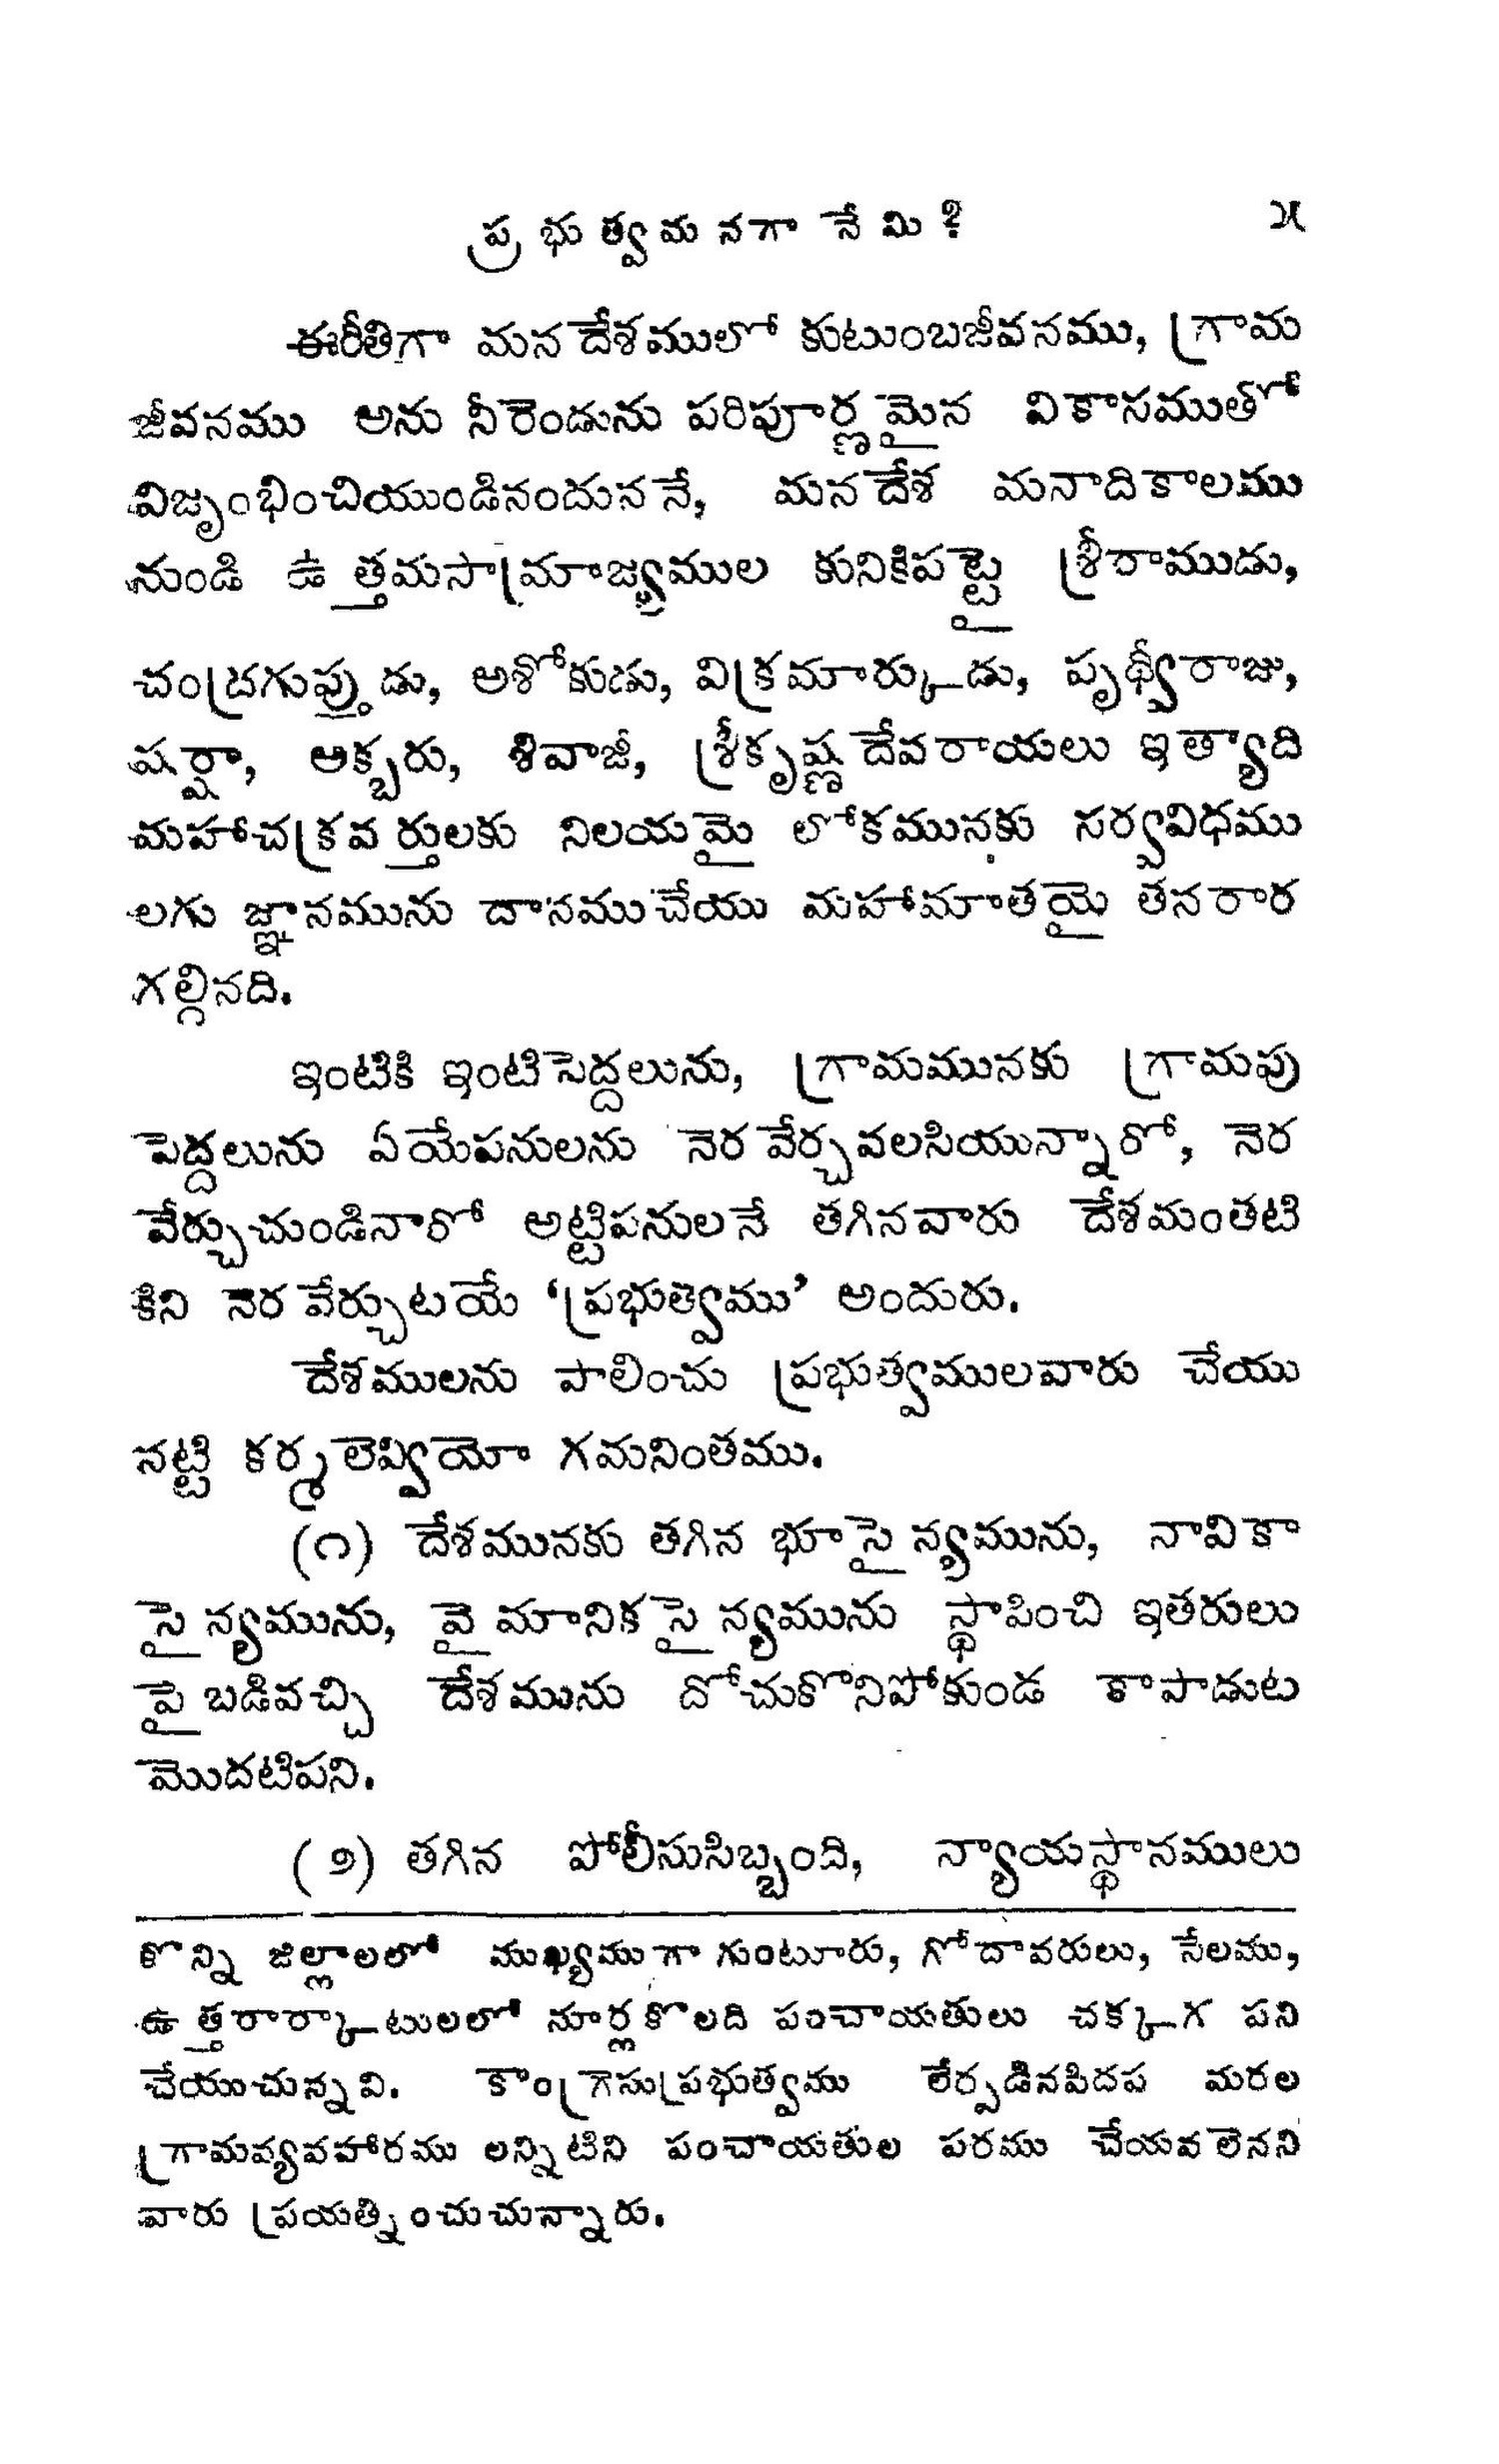ఈరీతిగా మనదేశములో కుటుంబజీవనము, గ్రామజీవనము అను నీరెండును పరిపూర్ణ మైన వికాసముతో విజృంభించియుండినందుననే, మనదేశ మనాదికాలము నుండి ఉత్తమసామ్రాజ్యముల కునికిపట్టై శ్రీరాముడు, చంద్రగుప్తుడు, అశోకుడు, విక్రమార్కుడు, పృథ్వీరాజు, షర్షా, అక్బరు, శివాజీ, శ్రీకృష్ణదేవరాయలు ఇత్యాది మహాచక్రవర్తులకు నిలయమై లోకమునకు సర్వవిధములగు జ్ఞానమును దానముచేయు మహామాతయై తనరార గల్గినది.

ఇంటికి ఇంటిపెద్దలును, గ్రామమునకు గ్రామపు పెద్దలును ఏయేపనులను నెర వేర్చవలసియున్నారో, నెరవేర్చుచుండినారో అట్టిపనులనే తగినవారు దేశమంతటికిని నెర వేర్చుటయే 'ప్రభుత్వము' అందురు.

దేశములను పాలించు ప్రభుత్వములవారు చేయునట్టి కర్మ లెవ్వియో గమనింతము,

(1) దేశమునకు తగిన భూసైన్యమును, నావికా సైన్యమును, వైమానిక సైన్యమును స్థాపించి ఇతరులు
పై బడివచ్చి దేశమును దోచుకొనిపోకుండ కాపాడుట మొదటిపని.

(2) తగిన పోలీసుసిబ్బంది, న్యాయస్థానములు